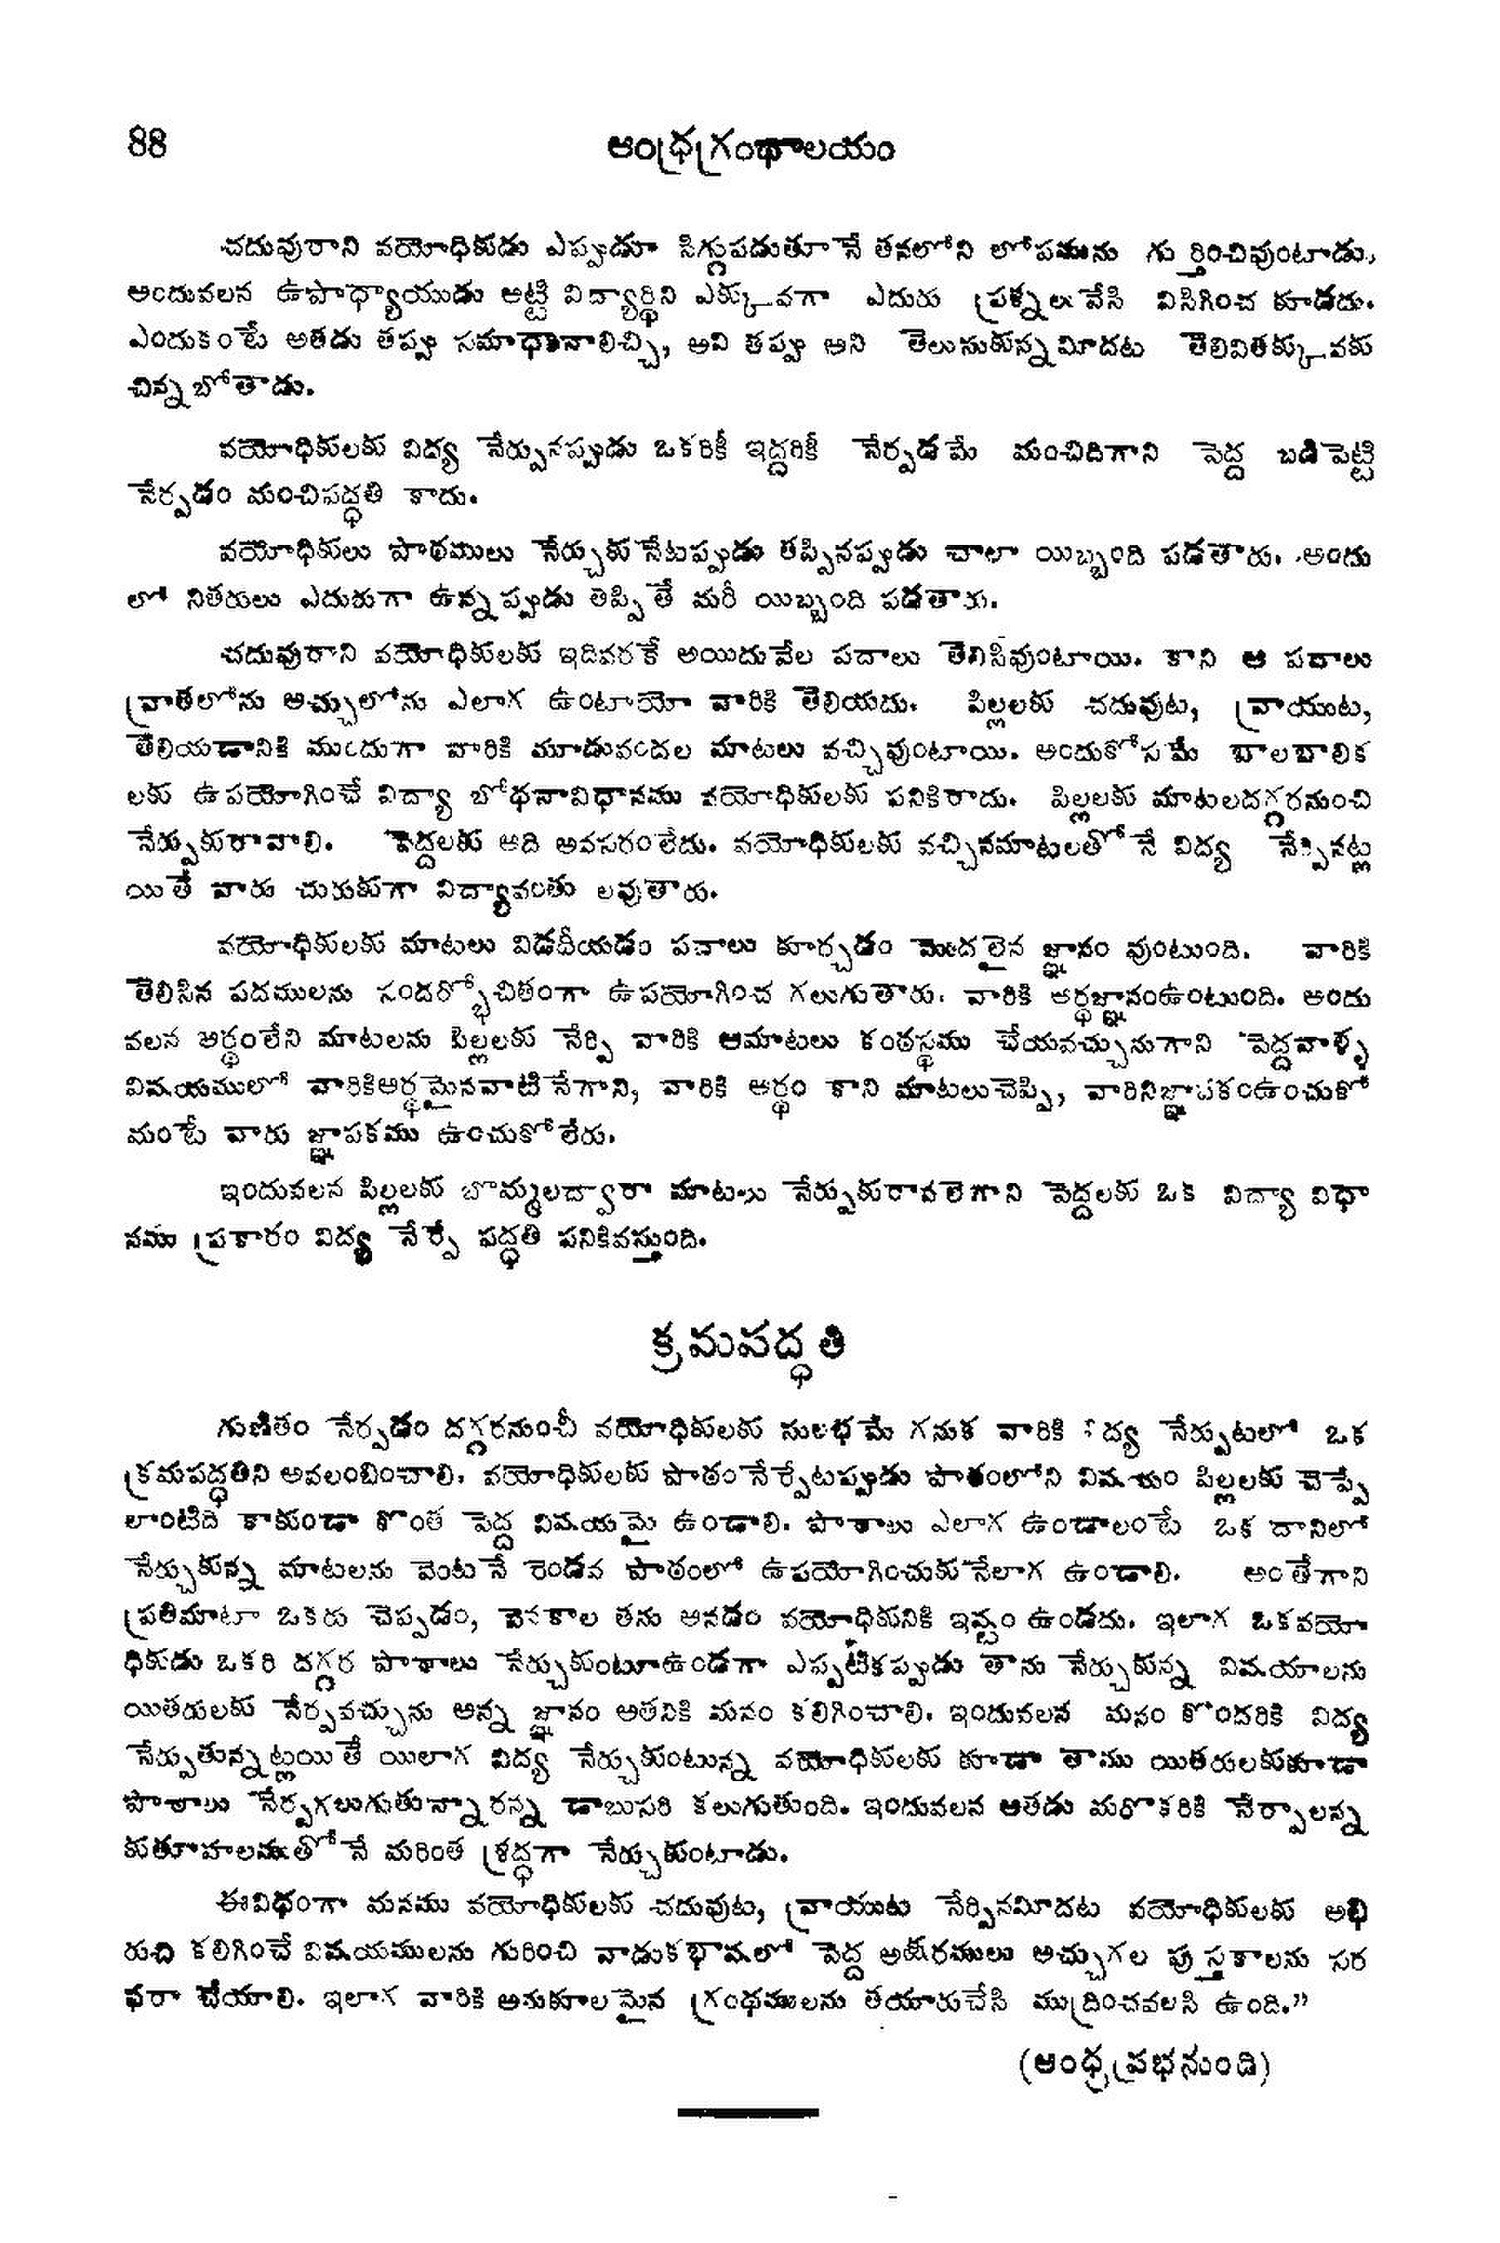చదువురాని వయోధికుడు ఎప్పుడూ సిగ్గుపడుతూనే తనలోని లోపమును గుర్తించివుంటాడు. అందువలన ఉపాధ్యాయుడు 
అట్టి విద్యార్థిని ఎక్కువగా ఎదురు ప్రశ్నలు వేసి విసిగించ కూడదు. ఎందుకంటే అతడు తప్పు సమాధానాలిచ్చి, 
అవి తప్పు అని తెలుసుకున్నమీదట తెలివితక్కువకు చిన్నబోతాడు.

వయోధికులకు విద్య నేర్పునప్పుడు ఒకరికీ ఇద్దరికీ నేర్పడమే మంచిదిగాని పెద్ద బడిపెట్టి నేర్పడం 
మంచి పద్ధతి కాదు.

వయోధికులు పాఠములు నేర్చుకునేటప్పుడు తప్పినప్పుడు చాలా యిబ్బంది పడతారు. అందులో నితరులు ఎదురుగా
ఉన్నప్పుడు తిప్పితే మరీ యిబ్బంది పడతారు.

చదువురాని వయోధికులకు ఇదివరకే అయిదువేల పదాలు తెలిసివుంటాయి. కాని ఆ పదాలు వ్రాతలోను అచ్చులోను 
ఎలాగ ఉంటాయో వారికి తెలియదు. పిల్లలకు చదువుట, వ్రాయుట,తెలియడానికి ముఁదుగా వారికి మూడు వందల 
మాటలు వచ్చివుంటాయి. అందుకోసమే బాలబాలికలకు ఉపయోగించే విద్యా బోధనావిధానము వయోధికులకు పనికిరాదు. 
పిల్లలకు మాటలదగ్గరనుంచి నేర్పుకురావాలి. పెద్దలకు అది అవసరం లేదు. వయోధికులకు వచ్చినమాటలతోనే విద్య 
నేర్పినట్లయితే వారు చురుకుగా విద్యావంతులవుతారు.

వయోధికులకు మాటలు విడదీయడం పదాలు కూర్చడం మొదలైన జ్ఞానం వుంటుంది. వారికీ తెలిసిన పదములను 
సందర్భోచితంగా ఉపయోగించ గలుగుతారు. వారికి అర్థజ్ఞానం ఉంటుంది. అందువలన అర్థంలేని మాటలను పిల్లలకు 
నేర్పి వారికి ఆమాటలు కంఠస్థము చేయవచ్చును గాని 'పెద్దవాళ్ళ విషయములో వారికి ఆర్థమైనవాటినేగాని, వారికి 
అర్థం కాని మాటలు చెప్పి, వారిని జ్ఞాపకం ఉంచుకోమంటే వారు జ్ఞాపకము ఉంచుకోలేరు.

ఇందువలన పిల్లలకు బొమ్మలద్వారా మాటలు నేర్పుకురావలెగాని పెద్దలకు ఒక విద్యా విధానము ప్రకారం విద్య 
నేర్పే పద్ధతి పనికివస్తుంది.

గుణితం నేర్పడం దగ్గరనుంచీ వయోధికులకు సులభమే గనుక వారికి విద్య నేర్పుటలో ఒక క్రమపద్ధతిని 
అవలంబించాలి. వయోధికులకు పాఠం నేర్పేటప్పుడు పాఠంలోని విషయం పిల్లలకు చెప్పే లాంటిది కాకుండా 
కొంత పెద్ద విషయమై ఉండాలి. పాఠాలు ఎలాగ ఉండాలంటే ఒక దానిలో నేర్చుకున్న మాటలను వెంటనే 
రెండవ పాఠంలో ఉపయోగించుకునేలాగ ఉండాలి. అంతేగాని ప్రతిమాటా ఒకరు చెప్పడం, వెనకాల తను అనడం 
వయోధికునికి ఇష్టం ఉండదు. ఇలాగ ఒక వయోధికుడు ఒకరి దగ్గర పాఠాలు నేర్చుకుంటూ ఉండగా ఎప్పటికప్పుడు 
తాను నేర్చుకున్న విషయాలను యితరులకు నేర్పవచ్చును అన్న జ్ఞానం అతనికి మనం కలిగించాలి. ఇందువలన 
మనం కొందరికి విద్య నేర్పుతున్నట్లయితే యిలాగ విద్య నేర్చుకుంటున్న వయోధికులకు కూడా తాము యితరులకుకూడా
పాఠాలు నేర్పగలుగుతున్నారన్న డాబుసరి కలుగుతుంది. ఇందువలన అతడు మరొకరికి నేర్పాలన్న కుతూహలముతోనే 
మరింత శ్రద్ధగా నేర్చుకుంటాడు.

ఈ విధంగా మనము వయోధికులకు చదువుట, వ్రాయుట నేర్పినమీదట వయోధికులకు అభిరుచి కలిగించే విషయములను 
గురించి వాడుక భాషలో పెద్ద అక్షరములు అచ్చుగల పుస్తకాలను సరఫరా చేయాలి. ఇలాగే వారికి అనుకూలమైన 
గ్రంథములను తయారు చేసి ముద్రించవలసి ఉంది.